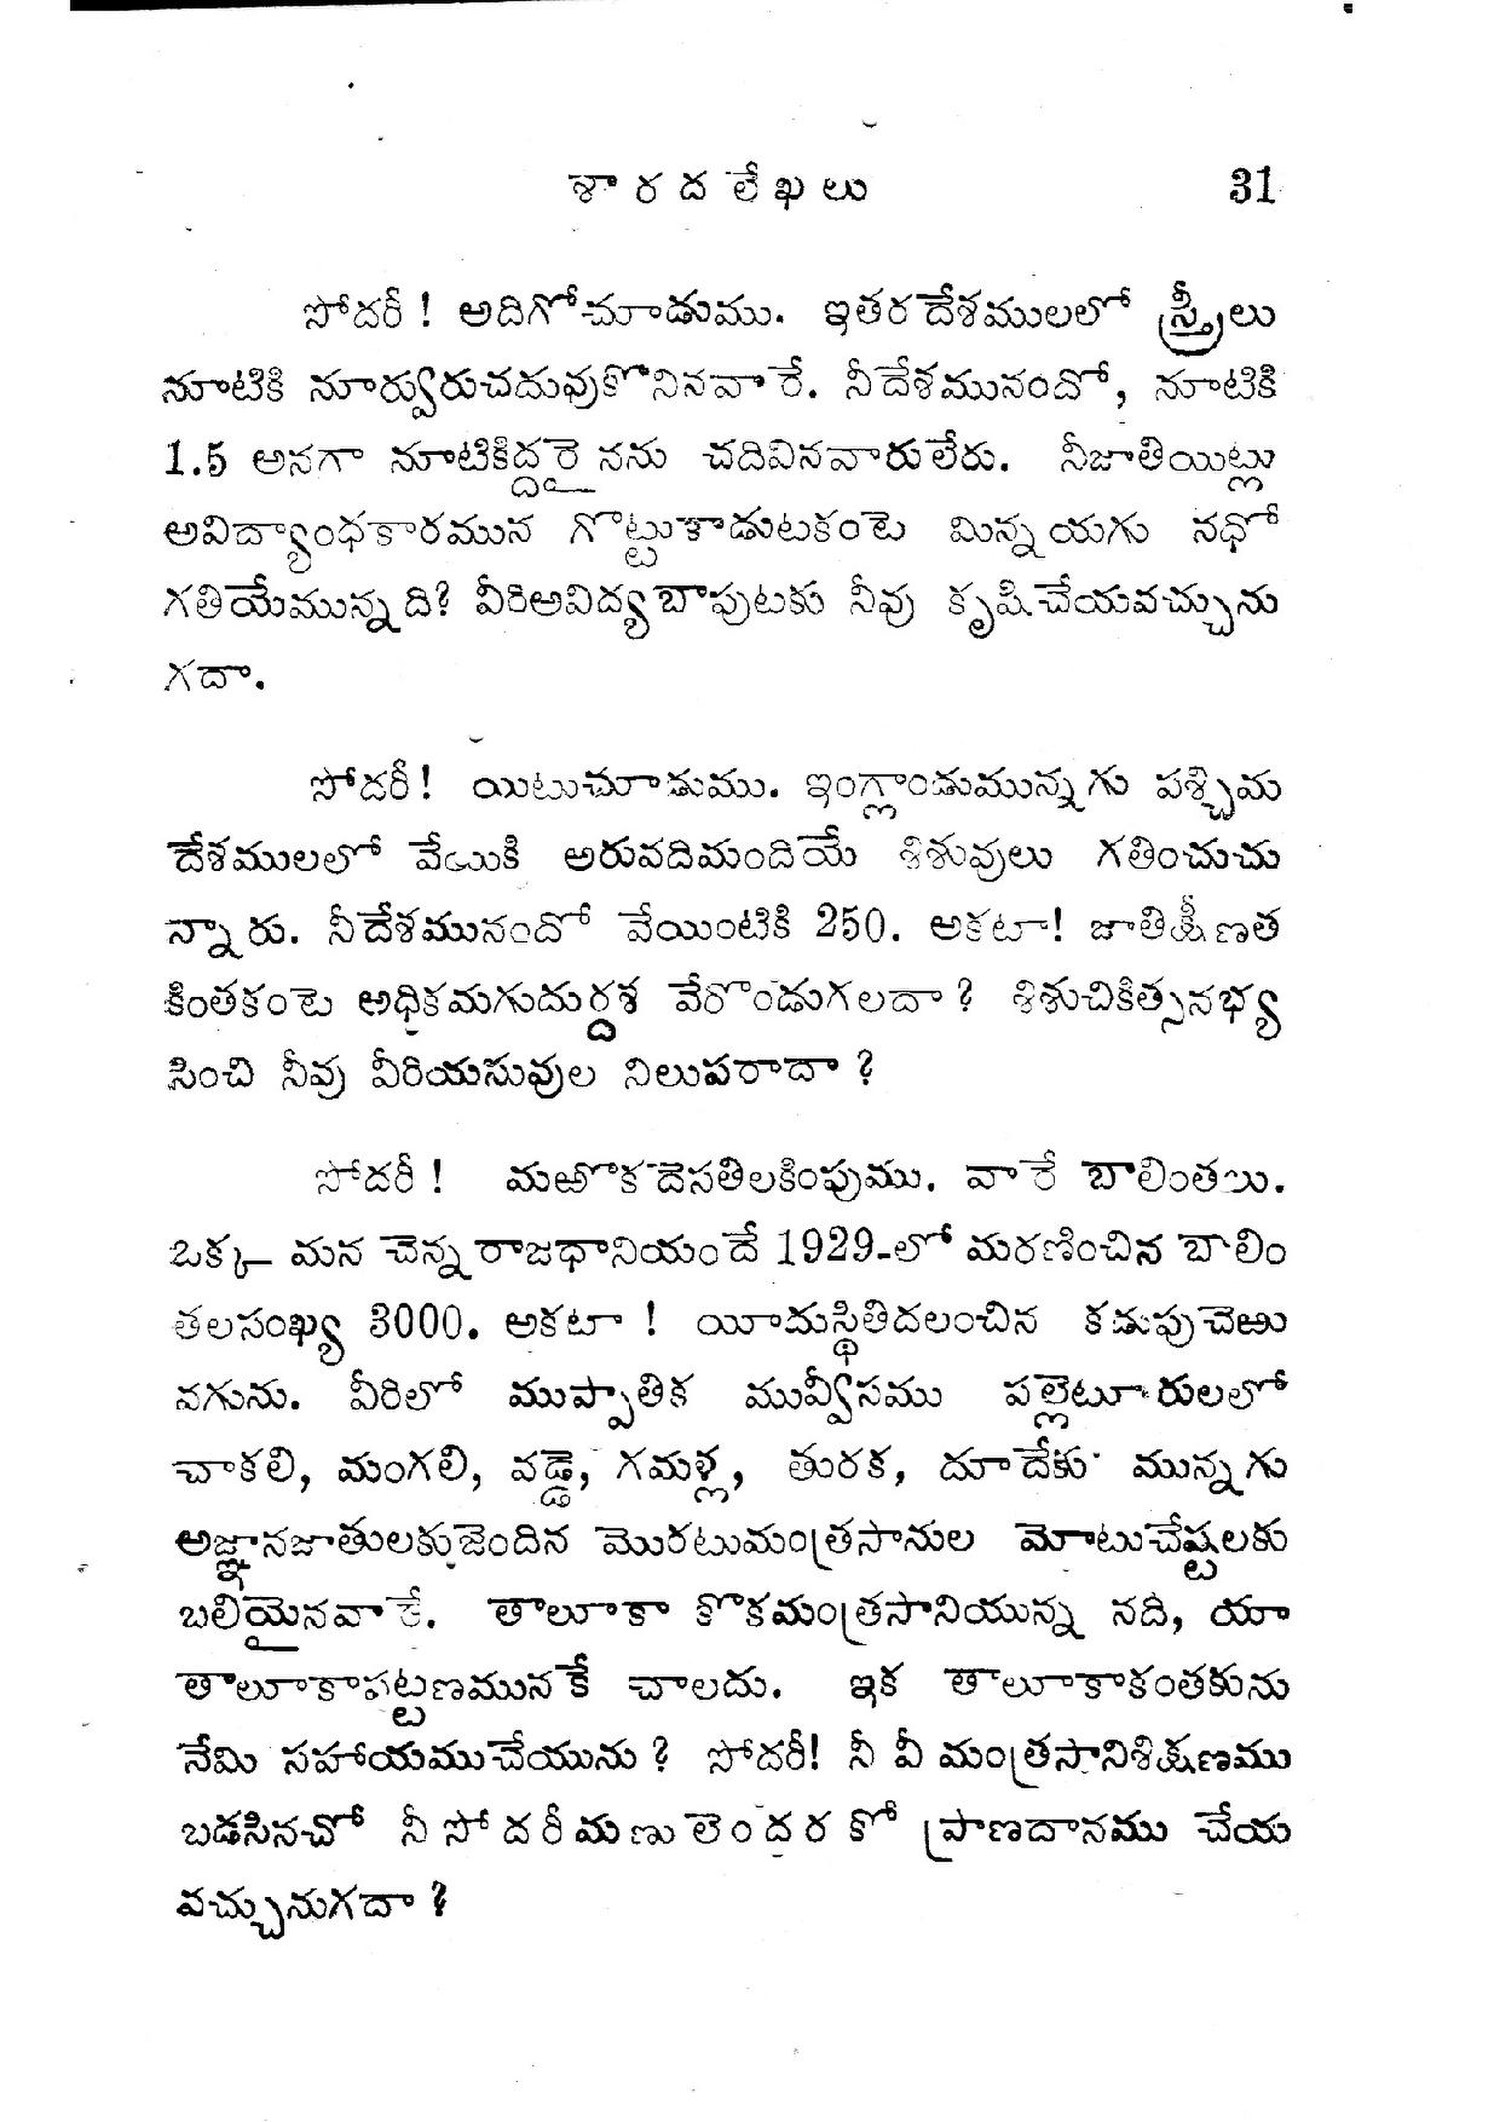సోదరీ!అదిగోచూడుము.ఇతరదేశములలో స్త్రీలు
నూటికి నూర్వురుచదువుకొనినవారే.నీదేశమునందో,నూటికి
1.5 అనగా నూటికిద్దరైనను చదివినవారులేరు.నీజాతియిట్లు
అవిద్యాంధకారమున గొట్టుకాడుటకంటె మిన్నయగు నధో
గతియేమున్నది? వీరిఅవిద్యబాపుటకు నీవు కృషిచేయవచ్చును
గదా.

సోదరీ!యిటుచూడుము.ఇంగ్లాండుమున్నగు పశ్చిమ
దేశములలో వేయికి అరువదిమందియే శిశువులు గతించుచు
న్నారు.నీదేశమునందో వేయింటికి 250.అకటా!జాతి క్షీణత
కింతకంటె అధికమగుదుర్దశ వేరొండుగలదా? శిశుచికిత్సనభ్య
సించి నీవు వీరియసువులు నిలుపరాదా?

సోదరీ!మఱొకదెసతిలకింపుము.వారే బాలింతలు.
ఒక్క మన చెన్న రాజధానియందే 1929 లో మరణించిన బాలిం
తలసంఖ్య 3000.అకటా!యీదుస్థితిదలంచిన కడుపుచెఱు
వగును.వీరిలో ముప్పాతిక మువ్వీసము పల్లెటూరులలో
చాకలి,మంగలి,వడ్డె,గమళ్ల,తురక,దూదేకు,మున్నగు
అజ్ఞానజాతులకుచెందిన మొరటుమంత్రసానులు మోటుచేష్టలకు
బలియైనవారే.తాలూకా కొకమంత్రసానియున్న నది, యా
తాలూకాపట్టణమునకే చాలదు.ఇక తాలూకాకంతకును
నేమి సహాయముచేయును? సోదరీ! నీ వీ మంత్రసానిశిక్షణము
బడసినచో నీ సోదరీమణులెందరకో ప్రాణదానము చేయ
వచ్చునుగదా?